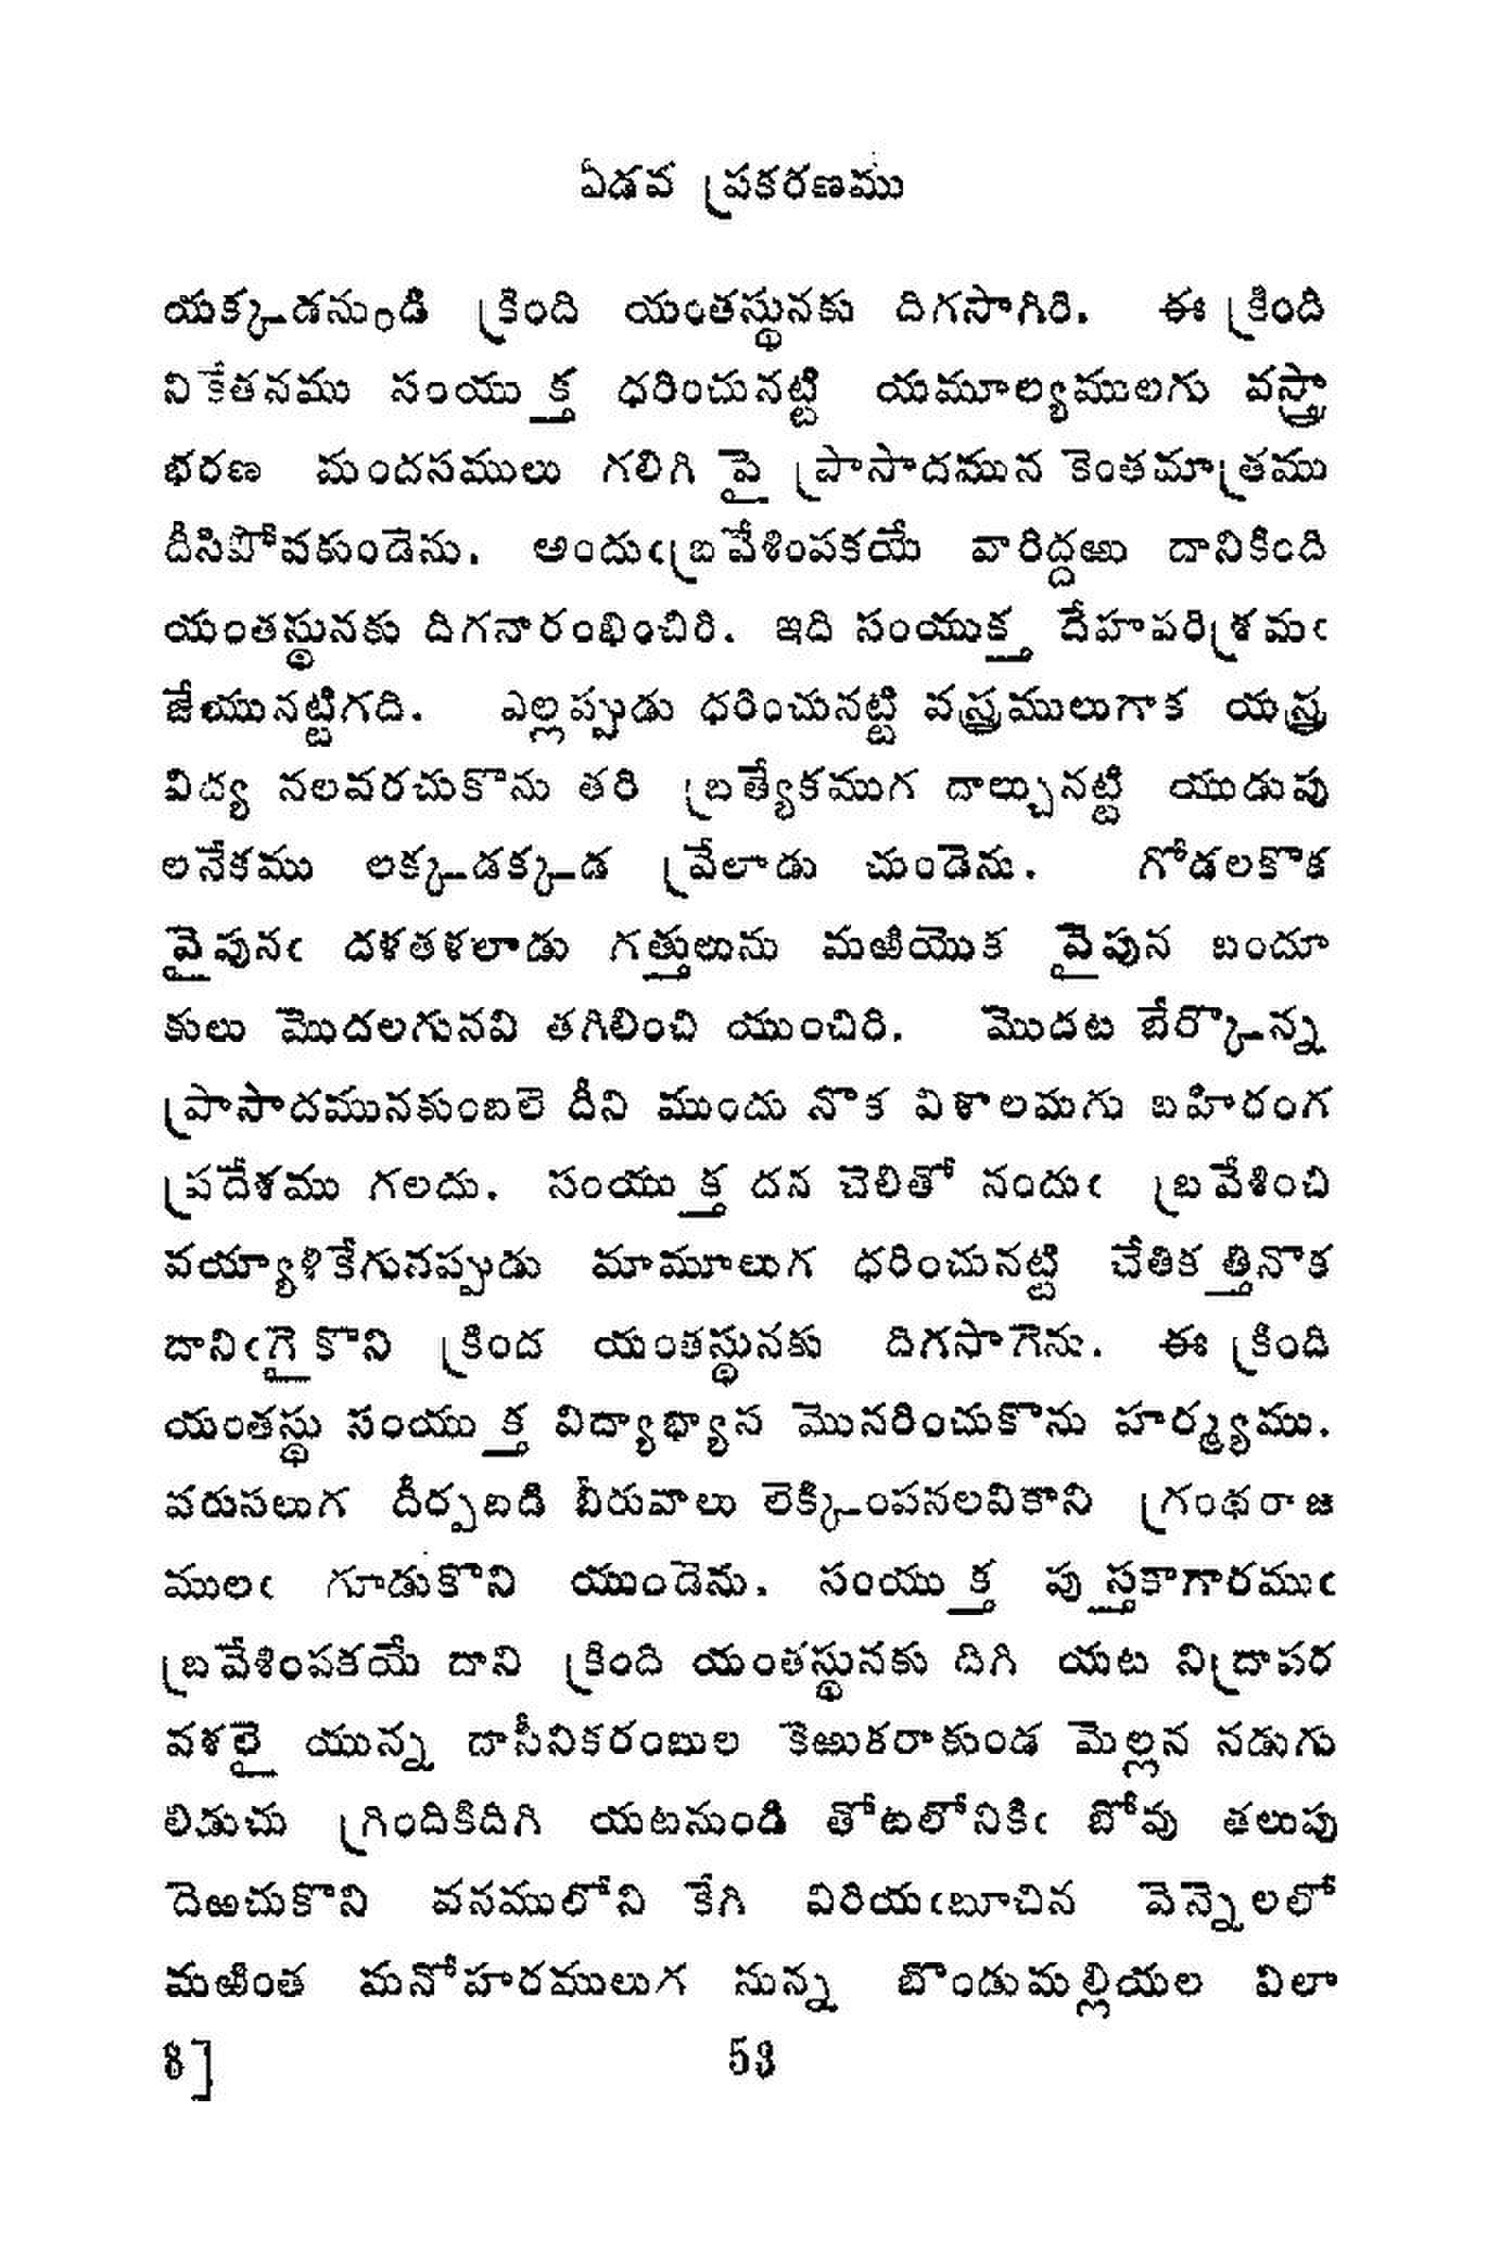యక్కడనుండి క్రింది యంతస్థునకు దిగసాగిరి. ఈ క్రింది నికేతనము సంయుక్త ధరించునట్టి యమూల్యములగు వస్త్రాభరణ మందనములు గలిగి పై ప్రాసాదమున కెంతమాత్రము దీసిపోవకుండెను. అందుఁబ్రవేశింపకయే వారిద్దఱు దానికింది యంతస్థునకు దిగనారంభించిరి. ఇది సంయుక్త దేహపరిశ్రమఁ జేయునట్టిగది. ఎల్లప్పుడు ధరించునట్టి వస్త్రములుగాక యస్త్రవిద్య నలవరచుకొను తరి బ్రత్యేకముగ దాల్చునట్టి యుడుపు లనేకము లక్కడక్కడ వ్రేలాడు చుండెను. గోడలకొక వైపునఁ దళతళలాడు గత్తులును మఱియొక వైపున బందూకులు మొదలగునవి తగిలించి యుంచిరి. మొదట బేర్కొన్న ప్రాసాదమునకుంబలె దీని ముందు నొక విశాలమగు బహిరంగ ప్రదేశము గలదు. సంయుక్త దన చెలితో నందుఁ బ్రవేశించి వయ్యాళికేగునప్పుడు మామూలుగ ధరించునట్టి చేతికత్తినొక దానిఁగైకొని క్రింద యంతస్థునకు దిగసాగెను. ఈ క్రింది యంతస్థు సంయుక్త విద్యాభ్యాస మొనరించుకొను హర్మ్యము, వరుసలుగ దీర్పబడి బీరువాలు లెక్కింపనలవికాని గ్రంథరాజములఁ గూడుకొని యుండెను. సంయుక్త పుస్తకాగారముఁ బ్రవేశింపకయే దాని క్రింది యంతస్థునకు దిగి యట నిద్రాపరవశలై యున్న దాసీనికరంబుల కెఱుకరాకుండ మెల్లన నడుగు లిడుచు గ్రిందికిదిగి యటనుండి తోటలోనికిఁ బోవు తలుపు దెఱచుకొని వనములోని కేగి విరియఁబూచిన వెన్నెలలో మఱింత మనోహరములుగ నున్న బొండుమల్లియల విలా